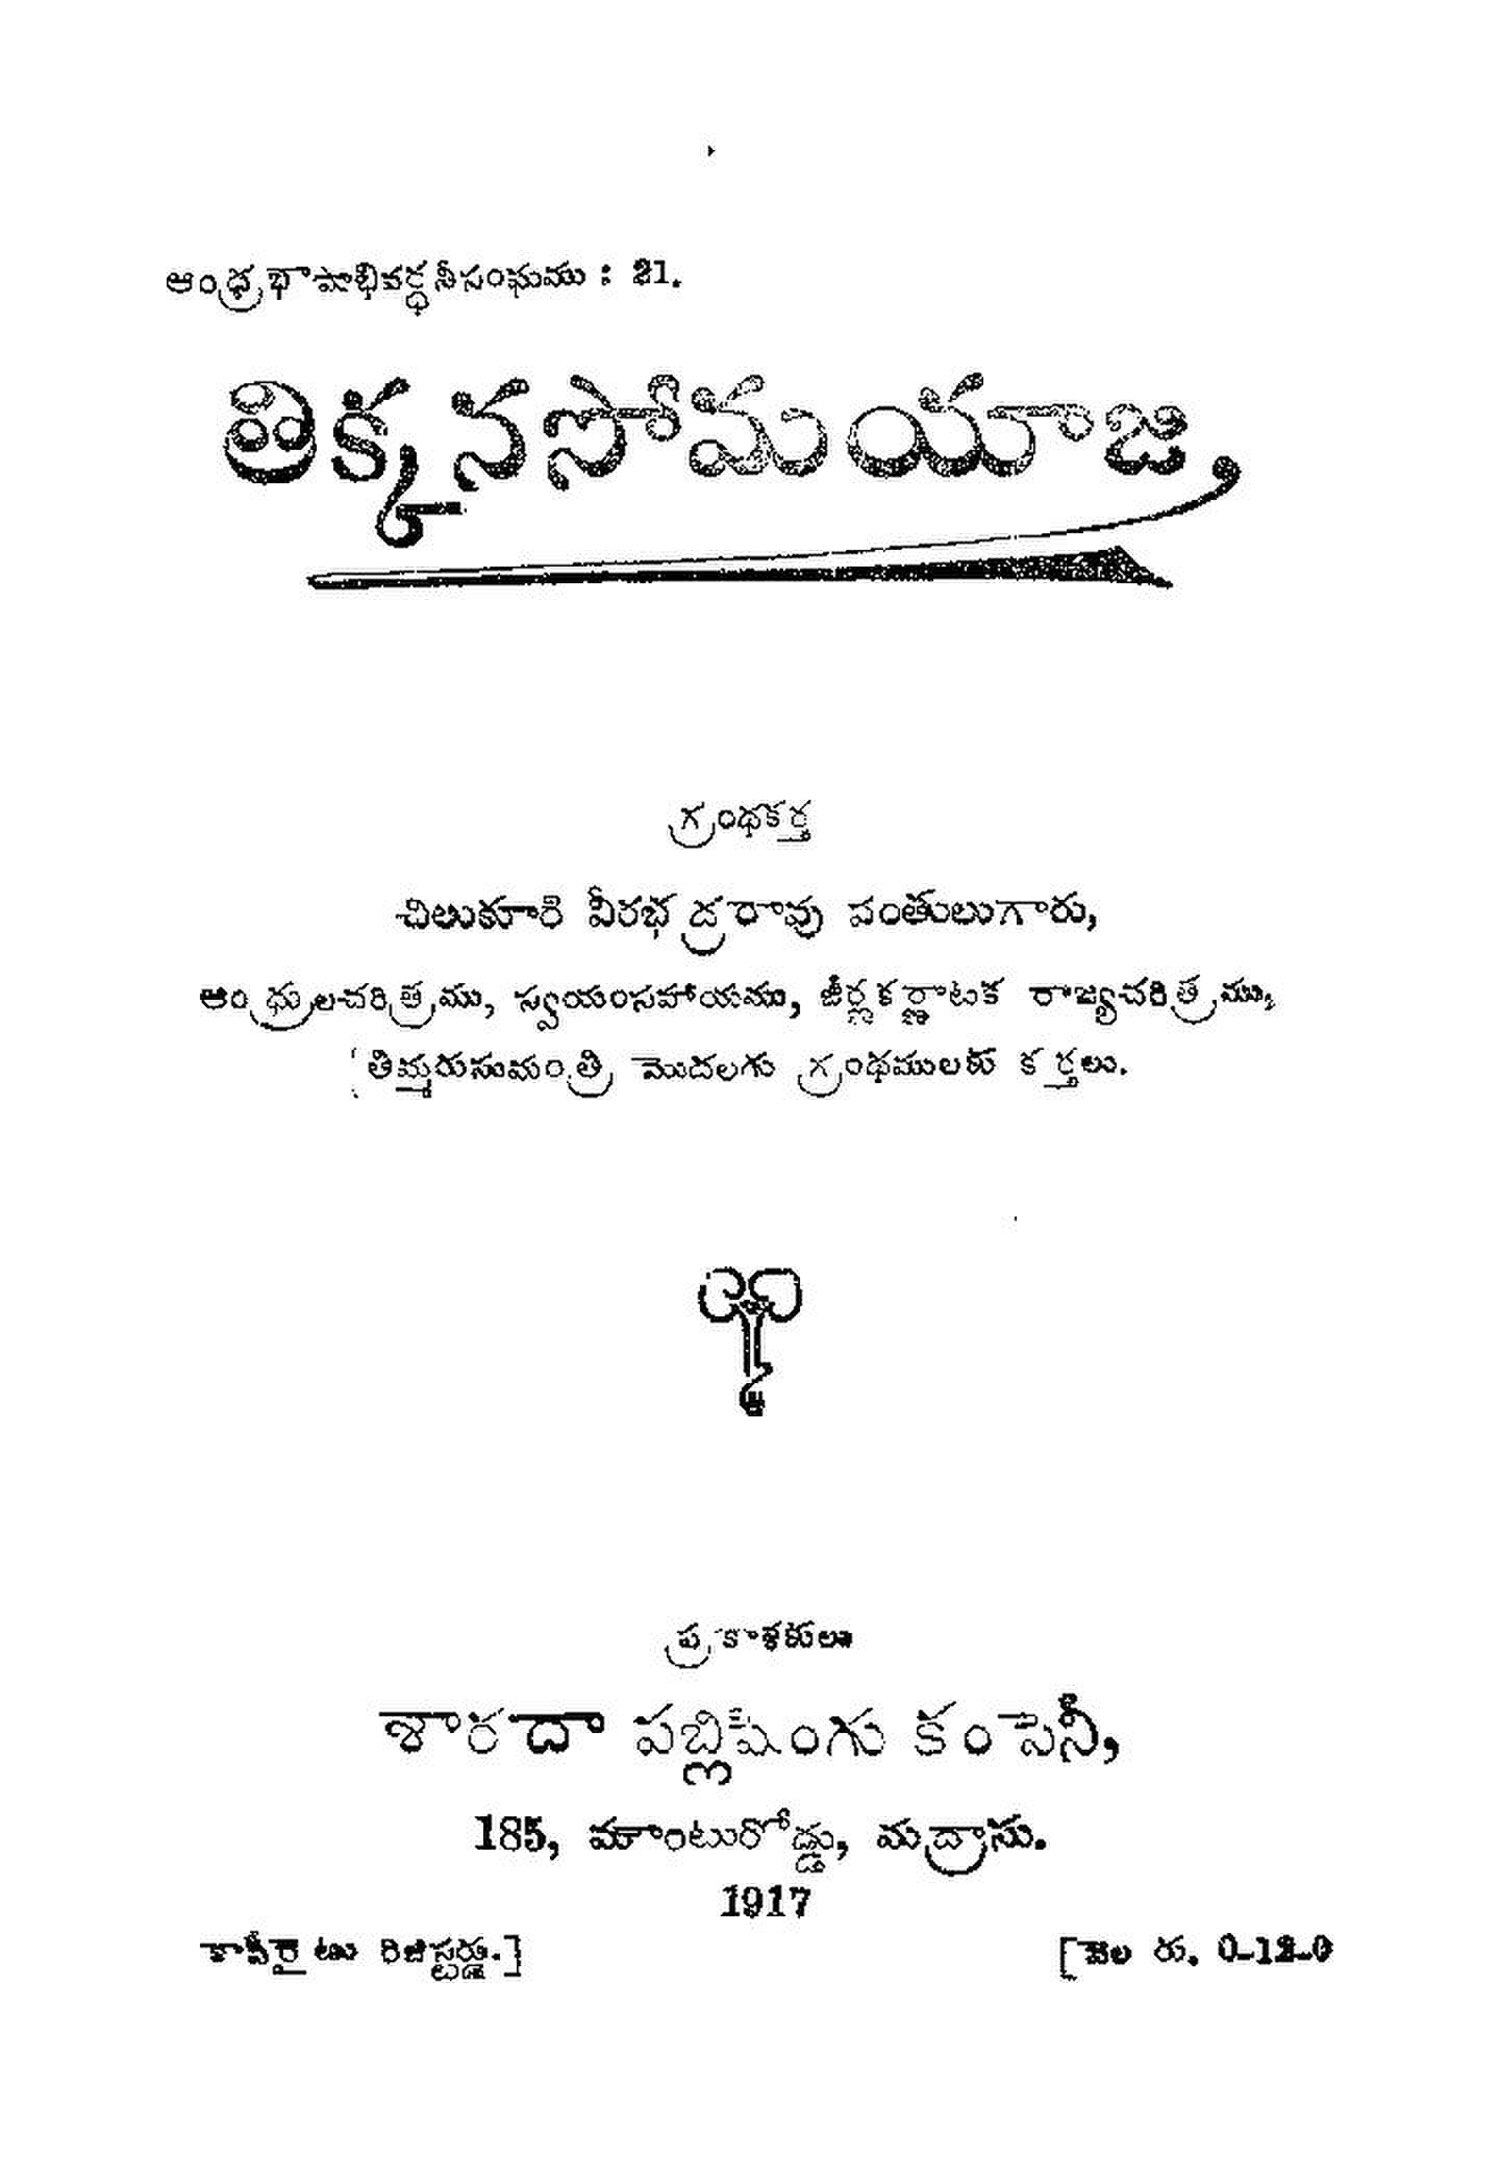తిక్కనసోమయాజి

గ్రంథకర్త
చిలుకూరి వీరభద్రరావు పంతులుగారు,
ఆంధ్రులచరిత్రము, స్వయంసహాయము, జీర్ణకర్ణాటక రాజ్యచరిత్రము,
తిమ్మరుసుమంత్రి మొదలగు గ్రంథములకు కర్తలు.

ప్రకాశకులు
శారదా పబ్లిషింగు కంపెనీ,
185, మౌంటురోడ్డు, మద్రాసు,
1917

కాఫీరైటు రిజిస్టర్డు.]